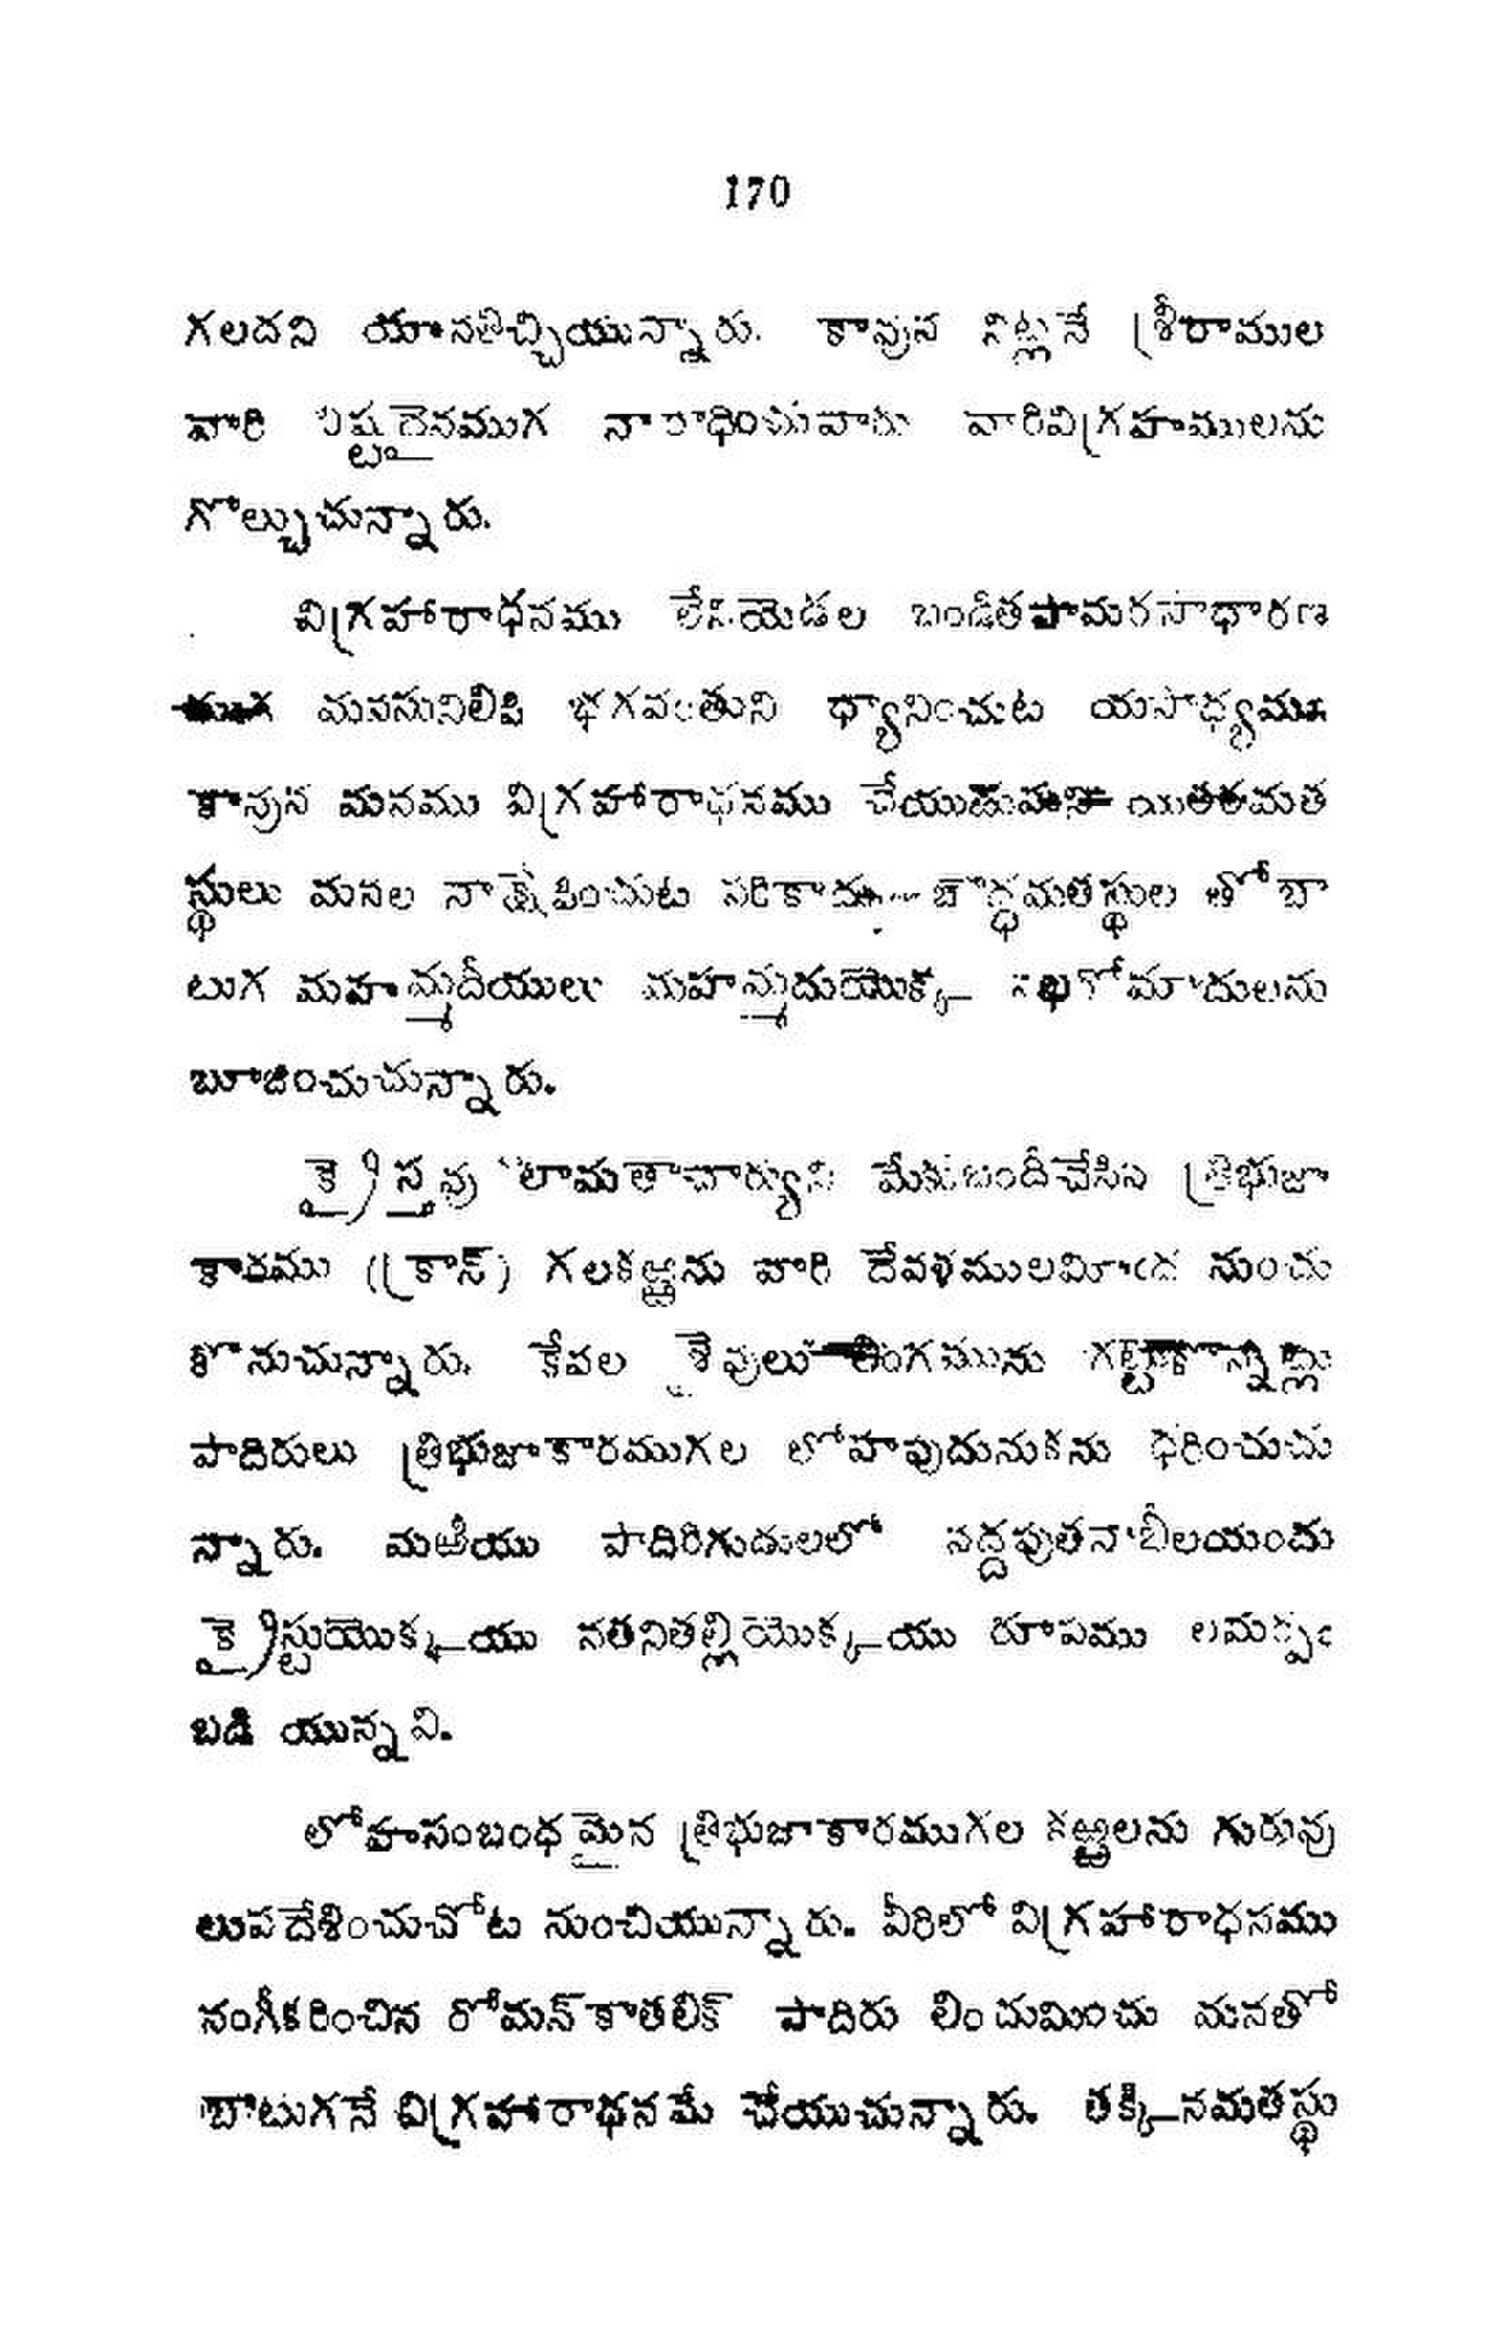గలదని యానతిచ్చియున్నారు. కావున నిట్లనే శ్రీరాములవారి నిష్టదైవముగ నారాధించువారు వారివిగ్రహములను గొల్చుచున్నారు.

విగ్రహారాధనము లేనియెడల బండితపామర సాధారణముగ మనసునిలిపి భగవంతుని ధ్యానించుట యసాధ్యము కావున మనము విగ్రహారాధనము చేయుదుమని యితరమతస్థులు మనల నాక్షేపించుట సరికాదు. బౌద్ధమతస్థుల తోబాటుగ మహమ్మదీయులు ముహమ్మదుయొక్క నఖరోమాదులను బూజించుచున్నారు.

క్రైస్తవు లామతాచార్యుని మేకుబందీచేసిన త్రిభుజాకారము (క్రాన్) గలకఱ్ఱను వారి దేవళములమీఁద నుంచుకొనుచున్నారు. కేవల శైవులు లింగమును గట్టుకొన్నట్లు పాదిరులు త్రిభుజాకారముగల లోహపుదునుకను ధరించుచున్నారు. మఱియు పాదిరిగుడులలో నద్దపుతనాబీలయందు
క్రైస్టుయొక్కయు నతనితల్లి యొక్కయు రూపము లమర్పఁబడి యున్నవి.

లోహసంబంధమైన త్రిభుజాకారముగల కఱ్ఱలను గురువులుపదేశించుచోట నుంచియున్నారు. వీరిలో విగ్రహారాధనము నంగీకరించిన రోమన్ కాతలిక్ పాదిరు లించుమించు మనతో బాటుగనే విగ్రహారాధనమే చేయుచున్నారు. తక్కినమతస్థు